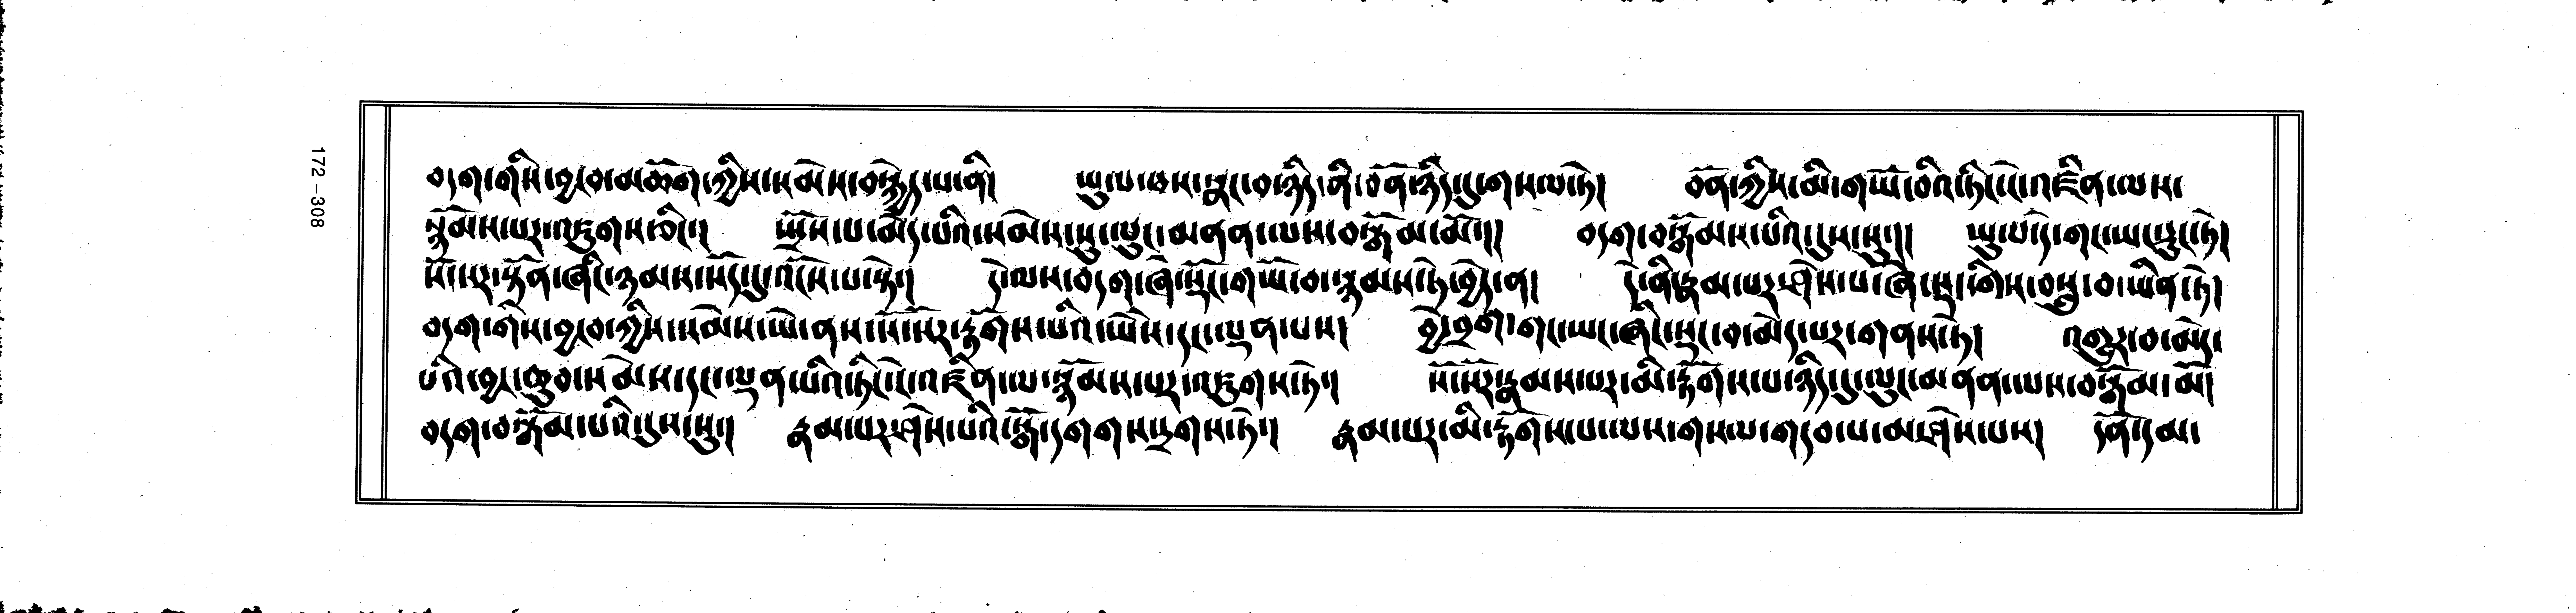བདག་གིས་བྱང་ཆུབ་མཆོག་ཀྱིས་སེམས་བསྐྱེད་པ་ནི། ཡུལ་ཕས་སྣང་བ་ཉིད་ནི་བོན་ཉིད་དུ་གསལ་ཏེ། བོན་ཀྱིས་མི་གཡོ་བའི་ཏིང་ངེ་འཛིན་ལས་
སྙོམས་པར་འཇུགས་ཅིང་། སྤྲོས་པ་མེད་པའི་སེམས་སུ་ལུང་མནན་ལས་བསྒོམ་མོ། བདག་བསྒོམས་པའི་དུས་སུ། ཡུལ་དེ་གང་ཡང་རུང་ཏེ། 
སོ་སོར་སྟོན་ཞིང་ཉམས་སོད་དུ་འོངས་པ་སྟེ། དེ་ལས་བདག་ཞེ་སྡོང་གཡོ་བ་སྙམས་ཏེ་བྱེད་ན། དེ་ནི་རྣམ་པར་ཤེས་པ་ཞེ་སྡ་གིས་བསླུ་བ་ཡིན་ཏེ། 
བདག་གིས་བྱང་ཆུབ་ཀྱིས་སེམས་ཡེ་ནས་སོ་སོར་རྟོགས་པའི་ཡེ་ཤེས་དང་ལྡན་པས། བྱེ་བྲག་གང་ཡང་ཞེ་སྡང་མེད་པར་གནས་ཏེ། འགྱུར་བ་མེད་
པའི་བྱང་ཆུབ་སེམས་དང་ལྡན་པའི་ཏིང་ངེ་འཛིན་ལ་སྙོམས་པར་འཇུགས་ཏེ། སོ་སོར་རྣམ་པར་མི་རྟོགས་པ་ཉིད་དུ་ལུང་མནན་ལས་བསྒོམ་མོ། 
བདག་བསྒོམ་པའི་དུས་སུ། རྣམ་པར་ཤེས་པའི་སྒོ་དགགས་དྲགས་ཏེ། རྣམ་པར་མི་རྟོགས་པ་ལས་གསལ་གདབ་པ་མ་ཤེས་པས། དོན་དམ་